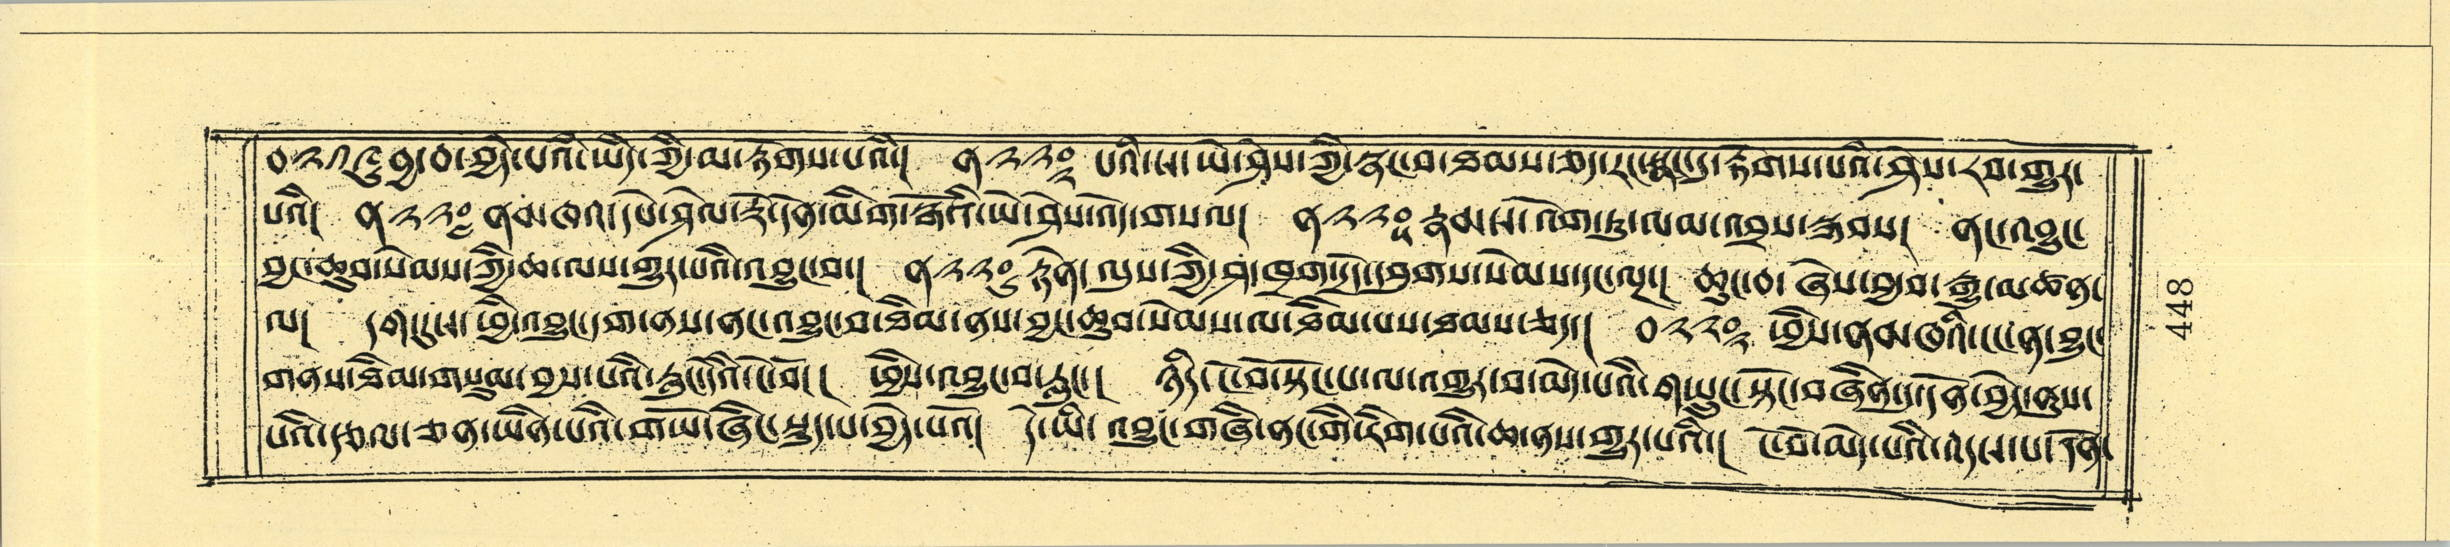བ༢༡༩།༦༼བྱ་བ་བྱེད་པའི༽ཡིད་ཀྱི་མ་རྟོགས་པའི་ན༢༢༠།༢༼པའི་ས༽ཡེ་ཤེས་ཀྱི་སྣང་བ་ཐམས་ཅད་རང་སྣང་དུ་རྟོགས་པའི་ཤེས་རབ་གྱུར་
པའི་ན༢༢༠།༤༼ནམ་མཁའ༽དཔེ་ཤེལ་རྡོ་དོན་མིག་སྒོའི་ཡེ་ཤེས་འོད་གསལ་ན༢༢༠།༥༼རྣམས༽འོག་ཏུ་ལམ་འབྲས་སྐབས་ནང་འབྱུང་
བྱང་ཆུབ་སེམས་ཀྱི་ཆ་ལས་གྱུར་པའི་འབྱུང་བ་ན༢༠།༦༼རྟེན༽ལུས་ཀྱི་ཤ་ཁྲག་དྲོད་དབུགས་སེམསདང་ལྔ་༼ཆུང་བ༽ཞེས་བྱ་བ་རྒྱུ་མཚན་
ལ། དག་དུས་ཕྱི་འབྱུང་དག་ནས་ནང་འབྱུང་བ་ལ་ཐིམ་ནས་བྱང་ཆུབ་སེམས་ལ་ཐིམ་པས་ཐམས་ཅད་བ༢༢༠།༢ ཕྱིས་༼ནམ་མཁའི༽ངང་ན་འབྱུང་
གནས་ཐིམ་གསུམ་བྱས་པའི་རླུང་དེའི་ངོ་བོ་ཕྱིས་འབྱུང་བ་རླུང་༼ཉིད༽ངོ་བོ་སྟོང་པ་ལ་འགྱུར་བ་མེད་པའི་༼གཡུང་དྲུང་༽སྟོང་བཞིན་དུ་དོན་བྱེད་ནུས་
པའི་རྩལ་ཅན་ཡིན་པའི་གཡོ་ཞིང་སྡུད་པར་བྱེད་པའོ།༼དེ་ཡི༽འབྱུང་བཞི་ནང་གི་རིག་པའི་ཆ་ནས་གྱུར་པའི་ངོ་བོ་མེད་པའི་༼འདས་པ༽དོན་